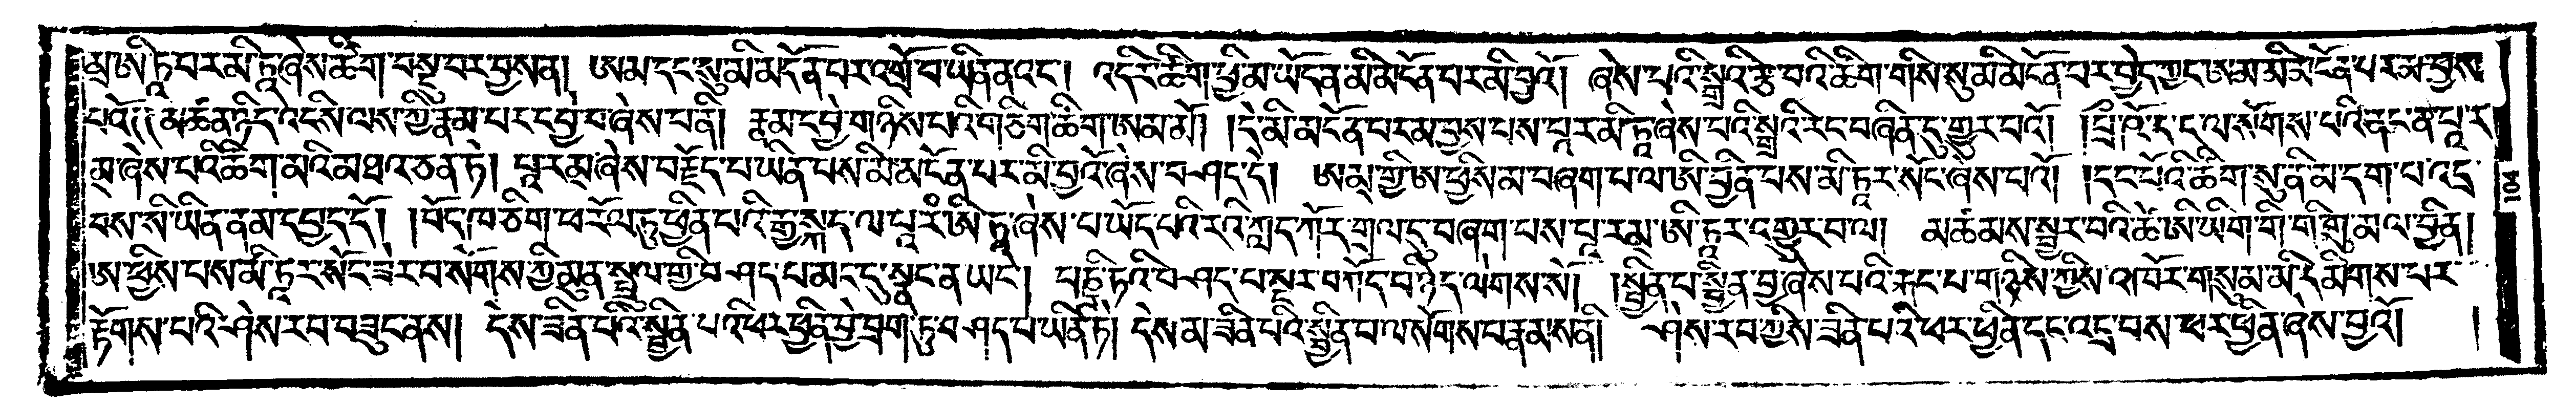མྲ་ཨི་ཏཱ་པ་ར་མི་ཏཱ་ཞེས་ཚིག་བསྡུ་བར་བྱས་ན། ཨམ་དང་སུ་མི་མངོན་པར་འགྲོ་བ་ཡིན་ནའང་། འདིར་ཚིག་ཕྱི་མ་ཡོད་ན་མི་མངོན་པར་མི་བྱའོ། ཞེས་པའི་སྒྲའི་རྩ་བའི་ཚིག་གིས་སུ་མི་མངོན་པར་བྱེད་ཀྱང་ཨམ་མི་མངོན་པར་མ་བྱས་
པའོ༑ ༑མཚན་ཉིད་འདིས་ལས་ཀྱི་རྣམ་པར་དབྱེ་བ་ཞེས་པ་ནི། རྣམ་དབྱེ་གཉིས་པའི་གཅིག་ཚིག་ཨམ་མོ། །དེ་མི་མངོན་པར་མ་བྱས་པས་པཱ་ར་མི་ཏཱ་ཞེས་པའི་སྒྲའི་རང་བཞིན་དུ་གྱུར་པའོ། །པྲྀ་ཥོ་ད་ར་ལ་སོགས་པའི་ནང་ན་པཱ་ར་
མྲ་ཞེས་པའི་ཚིག་མའི་མཐའ་ཅན་ཏེ། པཱ་ར་མྲ་ཞེས་བརྗོད་པ་ཡིན་པས་མི་མངོན་པར་མི་བྱའོ་ཞེས་བཤད་དེ། ཨ་མྲ་གྱི་ཨ་ཕྱིས་མྲ་བཞག་པ་ལ་ཨི་བྱིན་པས་མི་ཏཱར་སོང་ཞེས་པའོ། །དང་པོའི་ཚིག་སུ་ནི་མ་དག་པ་འདྲ་
བས་སི་ཡིན་ནམ་དཔྱད་དོ། །བོད་ཁ་ཅིག་ཕ་རོལ་ཏུ་ཕྱིན་པའི་རྒྱ་སྐད་ལ་པཱ་རཾ་ཨི་ཏཱ་ཞེས་པ་ཡོད་པའི་རའི་ཀླད་ཀོར་གྲལ་དུ་བཞག་པས་པཱ་རམ་ཨི་ཏཱར་འགྱུར་བ་ལ། མཚམས་སྦྱར་བའི་ཚེ་ཨི་ཡིག་གི་གི་གུ་མ་ལ་བྱིན།
ཨ་ཕྱིས་པས་མི་ཏཱར་སོང་ཟེར་བ་སོགས་ཀྱི་མུན་སྤྲུལ་གྱི་བཤད་པ་མང་དུ་སྣང་ན་ཡང་། པཎྜི་ཏའི་བཤད་པ་སྔར་བཀོད་པ་ཉིད་ལེགས་སོ། །སྦྱིན་པ་སྦྱིན་བྱ་ཞེས་པའི་རྐང་པ་གཉིས་ཀྱིས་འཁོར་གསུམ་མི་དམིགས་པར་
རྟོགས་པའི་ཤེས་རབ་བཟུང་ནས། དེས་ཟིན་པའི་སྦྱིན་པའི་ཕར་ཕྱིན་བྱེ་བྲག་ཏུ་བཤད་པ་ཡིན་ཏེ། དེས་མ་ཟིན་པའི་སྦྱིན་པ་ལ་སོགས་པ་རྣམས་ནི། ཤེས་རབ་ཀྱིས་ཟིན་པའི་ཕར་ཕྱིན་དང་འདྲ་བས་ཕར་ཕྱིན་ཞེས་བྱའོ།།